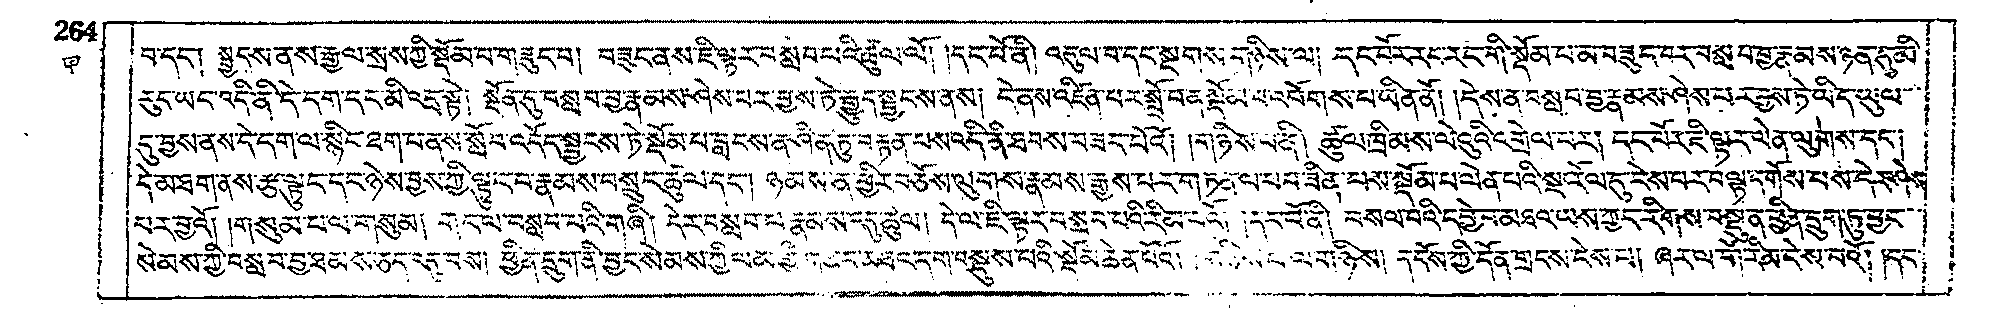བ་དང་། སྦྱངས་ནས་རྒྱལ་སྲས་ཀྱི་སྡོམ་པ་གཟུང་བ། བཟུང་ནས་ཇི་ལྟར་བསླབ་པའི་ཚུལ་ལོ། །དང་པོ་ནི། འདུལ་བ་དང་སྔགས་གཉིས་ལ། དང་པོར་རང་རང་གི་སྡོམ་པ་མ་བཟུང་བར་བསླབ་བྱ་རྣམས་ཉན་དུ་མི་
རུང་ཡང་འདི་ནི་དེ་དག་དང་མི་འདྲ་སྟེ། སྔོན་དུ་བསླབ་བྱ་རྣམས་ཤེས་པར་བྱས་ཏེ་རྒྱུད་སྦྱངས་ནས། དེ་ནས་འཛིན་པར་སྤྲོ་བ་ན་སྡོམ་པ་འབོགས་པ་ཡིན་ནོ། །དེས་ན་བསླབ་བྱ་རྣམས་ཤེས་པར་བྱས་ཏེ་ཡིད་ཡུལ་
དུ་བྱས་ནས་དེ་དག་ལ་སྙིང་ཐག་པ་ནས་སློབ་འདོད་སྦྱངས་ཏེ་སྡོམ་པ་བླངས་ན་ཤིན་ཏུ་བརྟན་པས་འདི་ནི་ཐབས་བཟང་པོའོ། །གཉིས་པ་ནི། ཚུལ་ཁྲིམས་ལེའུའི་འགྲེལ་པར། དང་པོར་ཇི་ལྟར་ལེན་ལུགས་དང་།
དེ་མ་ཐག་ནས་རྩ་ལྟུང་དང་ཉེས་བྱས་ཀྱི་ལྟུང་བ་རྣམས་བསྲུང་ཚུལ་དང་། ཉམས་ན་ཕྱིར་བཅོས་ལུགས་རྣམས་རྒྱས་པར་གཏན་ལ་ཕབ་ཟིན་པས་སྡོམ་པ་ལེན་པའི་སྔ་རོལ་དུ་ངེས་པར་བལྟ་དགོས་པས་དེར་ཤེས་
པར་བྱའོ། །གསུམ་པ་ལ་གསུམ། གང་ལ་བསླབ་པའི་གཞི། དེར་བསླབ་པ་རྣམས་འདུ་ཚུལ། དེ་ལ་ཇི་ལྟར་བསླབ་པའི་རིམ་པའོ། །དང་པོ་ནི། བསལ་བའི་དབྱེ་བ་མཐའ་ཡས་ཀྱང་རིགས་བསྡུ་ན་ཕྱིན་དྲུག་ཏུ་བྱང་
སེམས་ཀྱི་བསླབ་བྱ་ཐམས་ཅད་འདུ་བས། ཕྱིན་དྲུག་ནི་བྱང་སེམས་ཀྱི་ལམ་གྱི་གནད་མཐའ་དག་བསྡུས་པའི་སྡོམ་ཆེན་པོའོ། །གཉིས་པ་ལ་གཉིས། དངོས་ཀྱི་དོན་གྲངས་ངེས་པ། ཞར་ལ་གོ་རིམ་ངེས་པའོ། །དང་